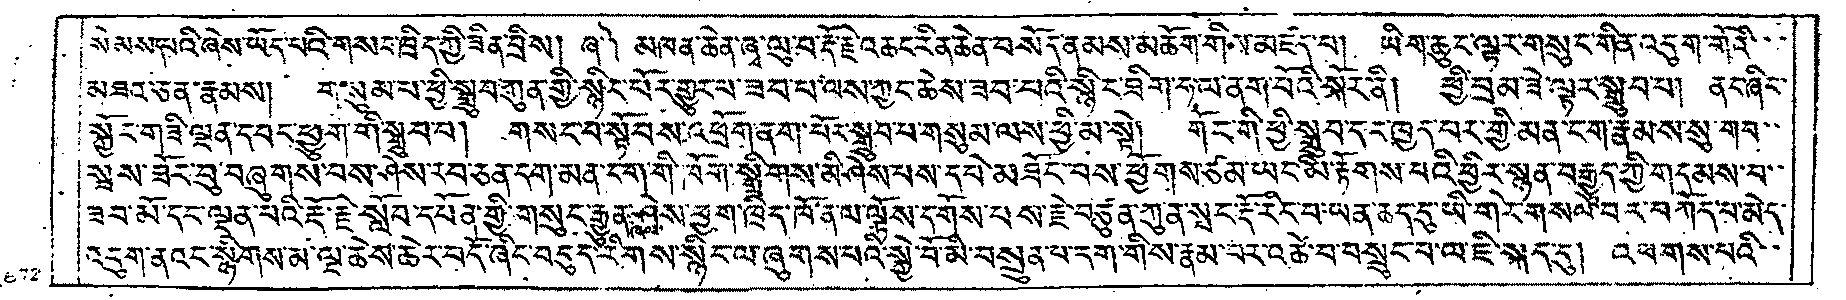སེམས་དཔའི་ཞེས་ཡོད་པའི་གསང་ཁྲིད་ཀྱི་ཟིན་བྲིས། ཞ྄་མཁན་ཆེན་ཞྭ་ལུ་བ་རྡོ་རྗེ་འཆང་རིན་ཆེན་བསོད་ནམས་མཆོག་གིས་མཛད་པ། ཡིག་ཆུང་ལྟར་གསུང་གིན་འདུག་གོའི་
མཐའ་ཅན་རྣམས། གསུམ་པ་ཕྱི་སྒྲུབ་ཀུན་གྱི་སྙིང་པོར་གྱུར་པ་ཟབ་པ་ལས་ཀྱང་ཆེས་ཟབ་པའི་སྙིང་ཐིག་ཧ་ལ་ནག་པོའི་སྐོར་ནི། ཕྱི་བྲམ་ཟེ་ལྟར་སྒྲུབ་པ། ནང་ཞིང་
སྐྱོང་གཟི་ལྡན་དབང་ཕྱུག་གི་སྒྲུབ་པ། གསང་བ་སྟོབས་འཕྲོག་ནག་པོར་སྒྲུབ་པ་གསུམ་ལས་ཕྱི་མ་སྟེ། གོང་གི་ཕྱི་སྒྲུབ་དང་ཁྱད་པར་གྱི་མན་ངག་རྣམས་སུ་གབ་
སྦས་ཐོར་བུ་བཞུགས་པས་ཤེས་རབ་ཅན་དག་མན་ངག་གི་ཁོག་སྒྲིགས་མི་ཤེས་པས་དཔེ་མཐོང་བས་ཕྱོགས་ཙམ་ཡང་མི་རྟོགས་པའི་ཕྱིར་སྙན་བརྒྱུད་ཀྱི་གདམས་པ་
ཟབ་མོ་དང་ལྡན་པའི་རྡོ་རྗེ་སློབ་དཔོན་གྱི་གསུང་རྒྱུན་ཞལ་ཤེས་ཕྱག་ཁྲིད་ཁོ་ན་ལ་ལྟོས་དགོས་པས་རྗེ་བཙུན་ཀུན་སྤང་རྡོ་རིང་བ་ཡན་ཆད་དུ་ཡི་གེར་གསལ་བར་བཀོད་པ་མེད་
འདུག་ནའང་སྙིགས་མ་ལྔ་ཆེས་ཆེར་བདོ་ཞིང་བདུད་རིགས་སྙིང་ལ་ཞུགས་པའི་སྐྱེ་བོ་མི་བསྲུན་པ་དག་གིས་རྣམ་པར་འཚེ་བ་བསྲུང་བ་ལ་ཇི་སྐད་དུ། འཕགས་པའི་